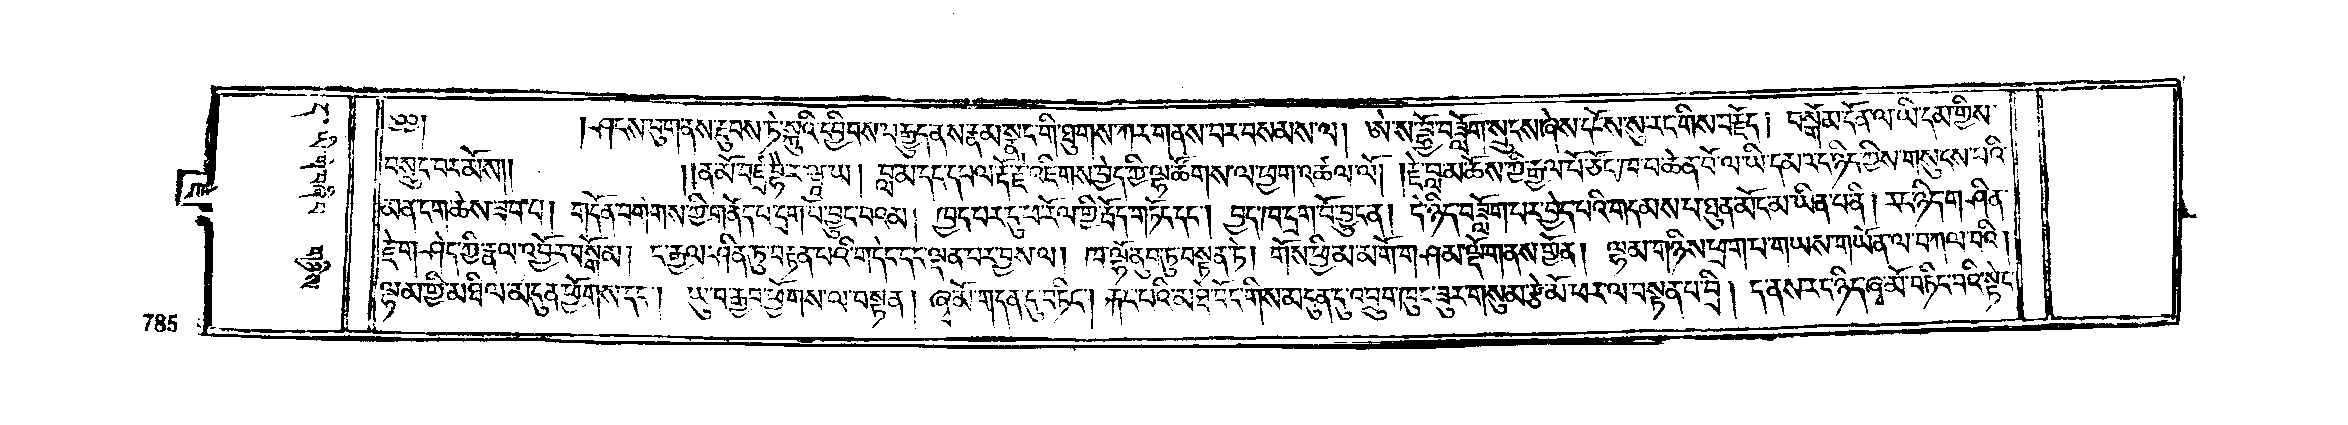༄༅། །ཤངས་བུག་ནས་རྔུབས་ཏེ་སྐུའི་དབྱིབས་བརྒྱུད་ནས་རྣམ་སྣང་གི་ཐུགས་ཀར་གནས་བར་བསམས་ལ། ཨེ་ས་བྷྱོ་བཟློག་སྲུངས་ཞེས་དངོས་སུ་རང་གིས་བརྗོད། བསྒོམ་དོན་ལ་ཡི་དམ་གྱིས་
བསྲུང་བར་མོས།། །།ན་མོ་བཛྲ་བྷཻ་ར་ཝཱ་ཡ། བླ་མ་དང་དཔལ་རྡོ་རྗེ་འཇིགས་བྱེད་ཀྱི་ལྷ་ཚོགས་ལ་ཕྱག་འཚལ་ལོ། །རྗེ་བླ་མ་ཆོས་ཀྱི་རྒྱལ་པོ་ཙོང་ཁ་པ་ཆེན་པོ་ལ་ཡི་དམ་རང་ཉིད་ཀྱིས་གསུངས་པའི་
མན་ངག་ཆེས་ཟབ་པ། གདོན་བགེགས་ཀྱི་གནོད་པ་དྲག་པོ་བྱུང་བའམ། ཁྱད་པར་དུ་ཕ་རོལ་གྱི་རྦོད་གཏོང་དང་། བྱད་ཁ་དྲག་པོ་བྱུང་ན། དེ་ཉིད་བཟློག་པར་བྱེད་པའི་གདམས་པ་ཐུན་མོང་མ་ཡིན་པ་ནི། རང་ཉིད་གཤིན་
རྗེ་གཤེད་ཀྱི་རྣལ་འབྱོར་བསྒོམ། ང་རྒྱལ་ཤིན་ཏུ་བརྟན་པའི་གདེང་དང་ལྡན་པར་བྱས་ལ། ཁ་ལྷོ་ནུབ་ཏུ་བསྟན་ཏེ། གོས་ཕྱི་མ་མགོ་གཤམ་ལྡོག་ནས་གྱོན། ལྷམ་གཉིས་ཕྲག་པ་གཡས་གཡོན་ལ་བཀལ་བའི།
ལྷམ་གྱི་མཐིལ་མདུན་ཕྱོགས་དང་། ཡུ་བ་རྒྱབ་ཕྱོགས་ལ་བསྟན། ཞྭ་མོ་གདན་དུ་བཏིང་། རྐང་པའི་མཐེ་བོང་གིས་མདུན་དུ་འབྲུབ་ཁུང་ཟུར་གསུམ་རྩེ་མོ་ཕར་ལ་བསྟན་པ་བྲི། ད་ནས་རང་ཉིད་ཞྭ་མོ་བཏིང་བའི་སྟེང་